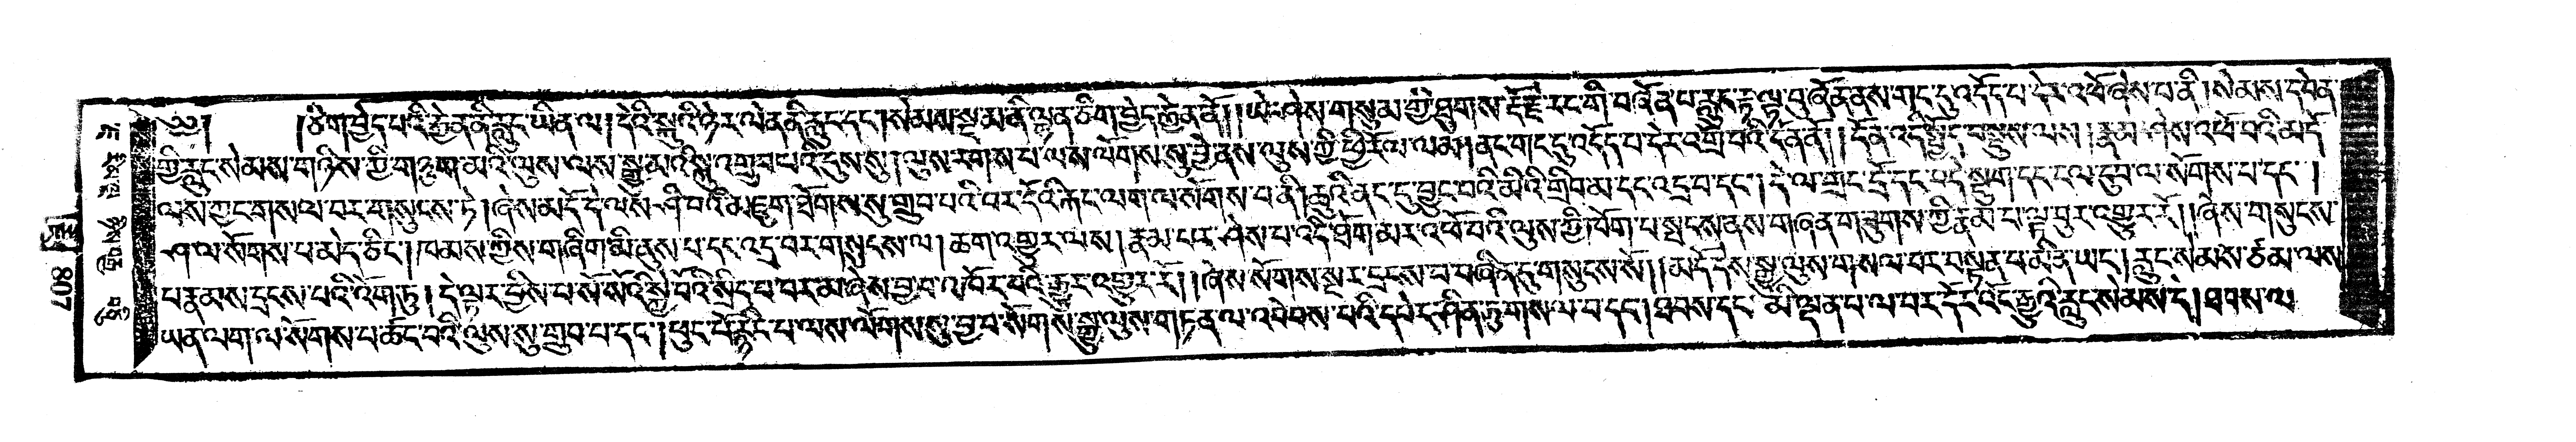༄༅། །ཅིག་བྱེད་པའི་རྐྱེན་ནི་རླུང་ཡིན་ལ། དེའི་སྐུའི་ཉེར་ལེན་ནི་རླུང་དང་། སེམས་སྔ་མ་ནི་ལྷན་ཅིག་བྱེད་རྐྱེན་ནོ། །ཡེ་ཤེས་གསུམ་གྱི་ཐུགས་རྡོ་རྗེ་རང་གི་བཞོན་པ་རླུང་རྟ་ལྟ་བུ་ཞོན་ནས་གང་དུ་འདོད་པ་དེར་འཕོ་ཞེས་པ་ནི། སེམས་དབེན་
གྱི་རླུང་སེམས་གཉིས་ཀྱི་གཉུག་མའི་ལུས་ལས་སྒྱུ་མའི་སྐུ་འགྲུབ་པའི་དུས་སུ། ལུས་རགས་པ་ལས་ལོགས་སུ་བྱེ་ནས་ལུས་ཀྱི་ཕྱི་རོལ་ལམ། ནང་གང་དུ་འདོད་པ་དེར་འགྲོ་བའི་དོན་ནོ། །དོན་འདི་སྤྱོད་བསྡུས་ལས། རྣམ་ཤེས་འཕོ་བའི་མདོ་
ལས་ཀྱང་གསལ་བར་གསུངས་ཏེ། ཞེས་མདོ་དེ་ལས་ཤི་བའི་མཇུག་ཐོགས་སུ་གྲུབ་པའི་བར་དོའི་རྐང་ལག་ལ་སོགས་པ་ནི། ཆུའི་ནང་དུ་བྱུང་བའི་མིའི་གྲིབ་མ་དང་འདྲ་བ་དང་། དེ་ལ་གྲང་དྲོ་དང་བདེ་སྡུག་དང་ངལ་དུབ་ལ་སོགས་པ་དང་།
ཤ་ལ་སོགས་པ་མེད་ཅིང་། ཁམས་ཀྱིས་གཞིག་མི་ནུས་པ་དང་འདྲ་བར་གསུངས་ལ། ཆག་འགྱུར་ལས། རྣམ་པར་ཤེས་པ་འདི་ཐོག་མར་འཕོ་བའི་ལུས་ཀྱི་ཁོག་པ་སྤངས་ནས་གཞན་གཟུགས་ཀྱི་རྣམ་པ་ལྟ་བུར་འགྱུར་རོ། །ཞེས་གསུངས་
པ་རྣམས་དྲངས་པའི་འོག་ཏུ། དེ་ལྟར་བྱིས་པ་སོ་སོའི་སྐྱེ་བོའི་སྲིད་པ་བར་མ་ཞེས་བྱ་བ་འཁོར་བའི་རྒྱུར་འགྱུར་རོ། །ཞེས་སོགས་སྔར་དྲངས་པ་བཞིན་དུ་གསུངས་སོ། །མདོ་དེས་སྒྱུ་ལུས་གསལ་བར་བསྟན་པ་མིན་ཡང་། རླུང་སེམས་ཙམ་ལས་
ཡན་ལག་ལ་སོགས་པ་ཚང་པའི་ལུས་སུ་གྲུབ་པ་དང་། ཕུང་པོ་རྙིང་པ་ལས་ལོགས་སུ་བྱེ་བ་སོགས་སྒྱུ་ལུས་གཏན་ལ་འབེབས་པའི་དཔེར་ཤིན་ཏུ་གསལ་བ་དང་། ཐབས་དང་མི་ལྡན་པ་ལ་བར་དོར་འོང་རྒྱུའི་རླུང་སེམས་དེ། ཐབས་ལ་